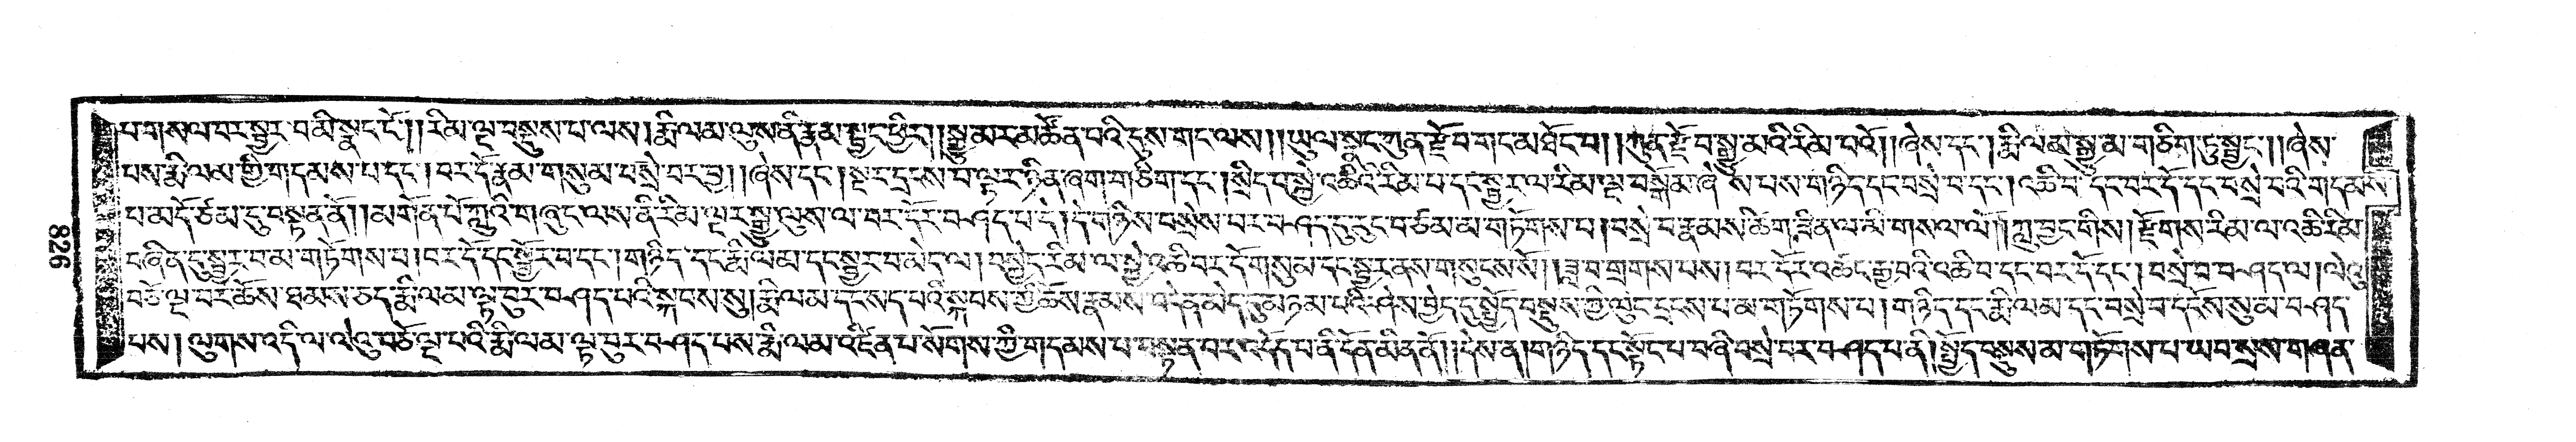པ་གསལ་བར་སྦྱར་བ་མི་སྣང་ངོ། །རིམ་ལྔ་བསྡུས་པ་ལས། རྨི་ལམ་ལུས་ནི་རྣམ་སྦྱང་ཕྱིར། །སྒྱུ་མར་མཚོན་པའི་དུས་གང་ལས། །ཡུལ་སྣང་ཀུན་རྫོབ་གང་མཐོང་བ། །ཀུན་རྫོབ་སྒྱུ་མའི་རིམ་པའོ། །ཞེས་དང་། རྨི་ལམ་སྒྱུ་མ་གཅིག་ཏུ་སྦྱང་། །ཞེས་
པས་རྨི་ལམ་གྱི་གདམས་པ་དང་། བར་དོ་རྣམ་གསུམ་བསྲེ་བར་བྱ། །ཞེས་དང་། སྔར་དྲངས་པ་ལྟར་ཉིན་ཞག་གཅིག་དང་། སྲིད་པ་སྐྱེ་འཆིའི་རིམ་པ་དང་སྦྱར་ལ་རིམ་ལྔ་བསྒོམ་ཞེས་པས་གཉིད་དང་བསྲེ་བ་དང་། འཆི་བ་དང་བར་དོ་དང་བསྲེ་བའི་གདམས་
པ་མདོ་ཙམ་དུ་བསྟན་ནོ། །མགོན་པོ་ཀླུའི་གཞུང་ལས་ནི་རིམ་ལྔར་སྒྱུ་ལུས་ལ་བར་དོར་བཤད་པ་དེ། དེ་གཉིས་བསྲེས་པར་བཤད་དུ་རུང་བ་ཙམ་མ་གཏོགས་པ། བསྲེ་བ་རྣམས་ཚིག་ཟིན་ལ་མི་གསལ་ལོ། །ཀླུ་བྱང་གིས། རྫོགས་རིམ་ལ་འཆི་རིམ་ཨེ་
བཞིན་དུ་སྦྱར་བ་མ་གཏོགས་པ། བར་དོ་དང་སྦྱོར་བ་དང་། གཉིད་དང་རྨི་ལམ་དང་སྦྱར་བ་མེད་ལ། བསྐྱེད་རིམ་ལ་སྐྱེ་འཆི་བར་དོ་གསུམ་དང་སྦྱར་ནས་གསུངས་སོ། །ཟླ་བ་གྲགས་པས། བར་དོར་འཚང་རྒྱ་བའི་འཆི་བ་དང་བར་དོ་དང་། བསྲེ་བ་བཤད་ལ། ལེའུ་
བཅོ་ལྔ་བར་ཆོས་ཐམས་ཅད་རྨི་ལམ་ལྟ་བུར་བཤད་པའི་སྐབས་སུ། རྨི་ལམ་དང་སད་པའི་སྐབས་ཀྱི་ཆོས་རྣམས་བདེན་མེད་དུ་མཉམ་པའི་ཤེས་བྱེད་དུ་སྤྱོད་བསྡུས་ཀྱི་ལུང་དྲངས་པ་མ་གཏོགས་པ། གཉིད་དང་རྨི་ལམ་དང་བསྲེ་བ་དངོས་སུ་མ་བཤད་
པས། ལུགས་འདི་ལ་ལེའུ་བཅོ་ལྔ་པའི་རྨི་ལམ་ལྟ་བུར་བཤད་པས་རྨི་ལམ་འཛིན་པ་སོགས་ཀྱི་གདམས་པ་བསྟན་པར་འདོད་པ་ནི་དོན་མིན་ནོ། །དེས་ན། གཉིད་དང་སྟོང་པ་བཞི་བསྲེ་བར་བཤད་པ་ནི། སྤྱོད་བསྡུས་མ་གཏོགས་པ་ཡབ་སྲས་གཞན་